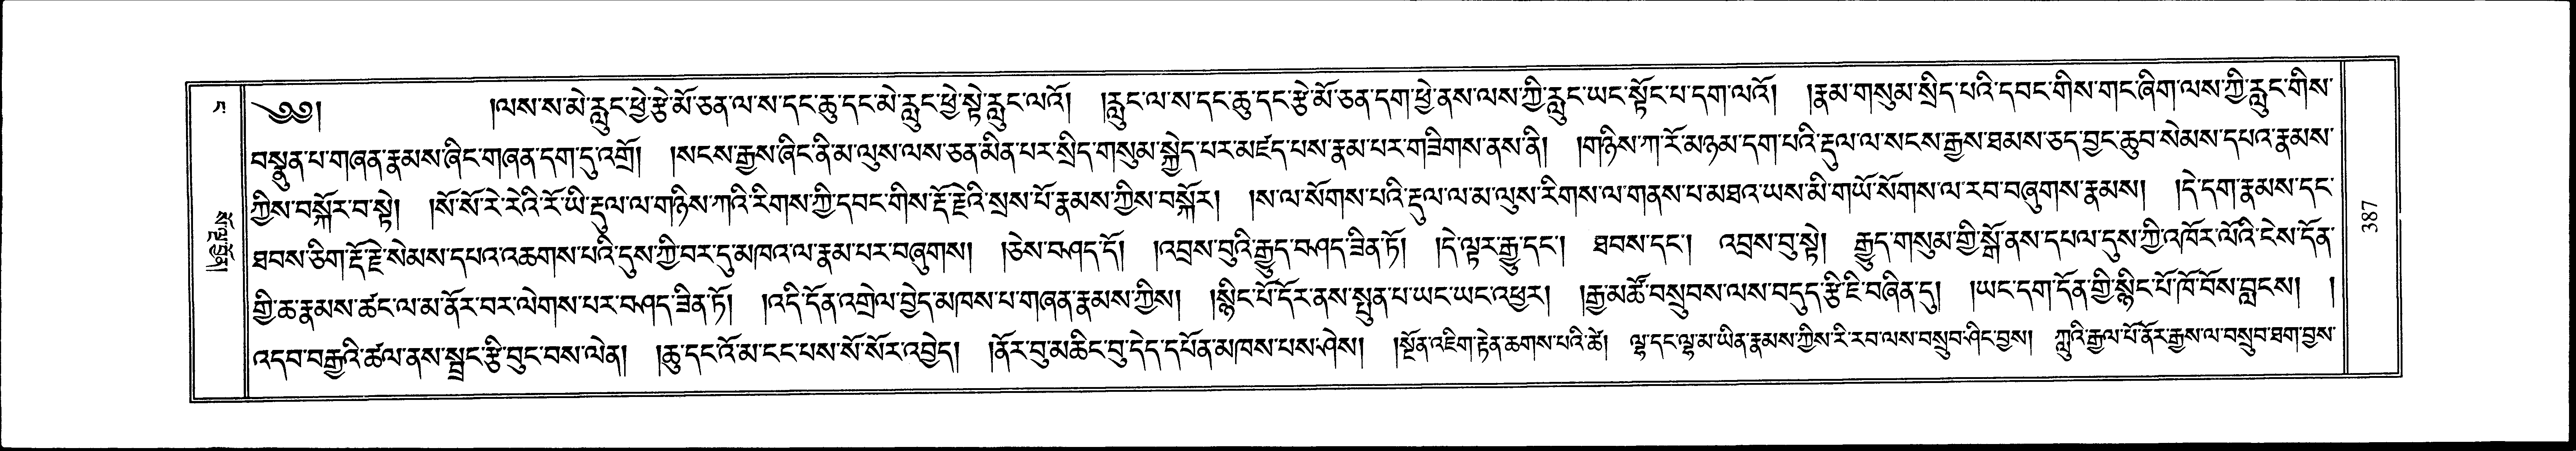༄༅། །ལས་ས་མེ་རླུང་ཕྱེ་རྩེ་མོ་ཅན་ལ་ས་དང་ཆུ་དང་མེ་རླུང་ཕྱེ་སྟེ་རླུང་ལའོ། །རླུང་ལ་ས་དང་ཆུ་དང་རྩེ་མོ་ཅན་དག་ཕྱེ་ནས་ལས་ཀྱི་རླུང་ཡང་སྟོང་པ་དག་ལའོ། །རྣམ་གསུམ་སྲིད་པའི་དབང་གིས་གང་ཞིག་ལས་ཀྱི་རླུང་གིས་
བསྣུན་པ་གཞན་རྣམས་ཞིང་དག་དུ་འགྲོ། །སངས་རྒྱས་ཞིང་ནི་མ་ལུས་ལས་ཅན་མིན་པར་སྲིད་གསུམ་སྐྱེད་པར་མཛད་པས་རྣམ་པར་གཟིགས་ནས་ནི། །གཉིས་ཀ་རོ་མཉམ་དག་པའི་རྡུལ་ལ་སངས་རྒྱས་ཐམས་ཅད་བྱང་ཆུབ་སེམས་དཔའ་རྣམས་
ཀྱིས་བསྐོར་བ་སྟེ། །སོ་སོ་རེ་རེའི་རོ་ཡི་རྡུལ་ལ་གཉིས་ཀའི་རིགས་ཀྱི་དབང་གིས་རྡོ་རྗེའི་སྲས་པོ་རྣམས་ཀྱིས་བསྐོར། །ས་ལ་སོགས་པའི་རྡུལ་ལ་མ་ལུས་རིགས་ལ་གནས་པ་མཐའ་ཡས་མི་གཡོ་སོགས་ལ་རབ་བཞུགས་རྣམས། །དེ་དག་རྣམས་དང་
ཐབས་ཅིག་རྡོ་རྗེ་སེམས་དཔའ་འཆགས་པའི་དུས་ཀྱི་བར་དུ་མཁའ་ལ་རྣམ་པར་བཞུགས། །ཅེས་བཤད་དོ། །འབྲས་བུའི་རྒྱུད་བཤད་ཟིན་ཏོ། །དེ་ལྟར་རྒྱུ་དང་། ཐབས་དང་། འབྲས་བུ་སྟེ། རྒྱུད་གསུམ་གྱི་སྒོ་ནས་དཔལ་དུས་ཀྱི་འཁོར་ལོའི་ངེས་དོན་
གྱི་ཆ་རྣམས་ཚང་ལ་མ་ནོར་བར་ལེགས་པར་བཤད་ཟིན་ཏོ། །འདི་དོན་འགྲེལ་བྱེད་མཁས་པ་གཞན་རྣམས་ཀྱིས། །སྙིང་པོ་དོར་ནས་སྤུན་པ་ཡང་ཡང་འཕྱར། །རྒྱ་མཚོ་བསྲུབས་ལས་བདུད་རྩི་ཇི་བཞིན་དུ། །ཡང་དག་དོན་གྱི་སྙིང་པོ་ཁོ་བོས་བླངས། །
འདབ་བརྒྱའི་ཚལ་ནས་སྦྲང་རྩི་བུང་བས་ལེན། །ཆུ་དང་འོ་མ་ངང་པས་སོ་སོར་འབྱེད། །ནོར་བུ་མཆིང་བུ་དེད་དཔོན་མཁས་པས་ཤེས། །སྔོན་འཇིག་རྟེན་ཆགས་པའི་ཚེ། ལྷ་དང་ལྷམ་ཡིན་རྣམས་ཀྱིས་རི་རབ་ལས་བསྲུབ་ཞིང་བྱས། ཀླུའི་རྒྱལ་པོ་ནོར་རྒྱས་ལ་བསྲུབ་ཐག་བྱས་